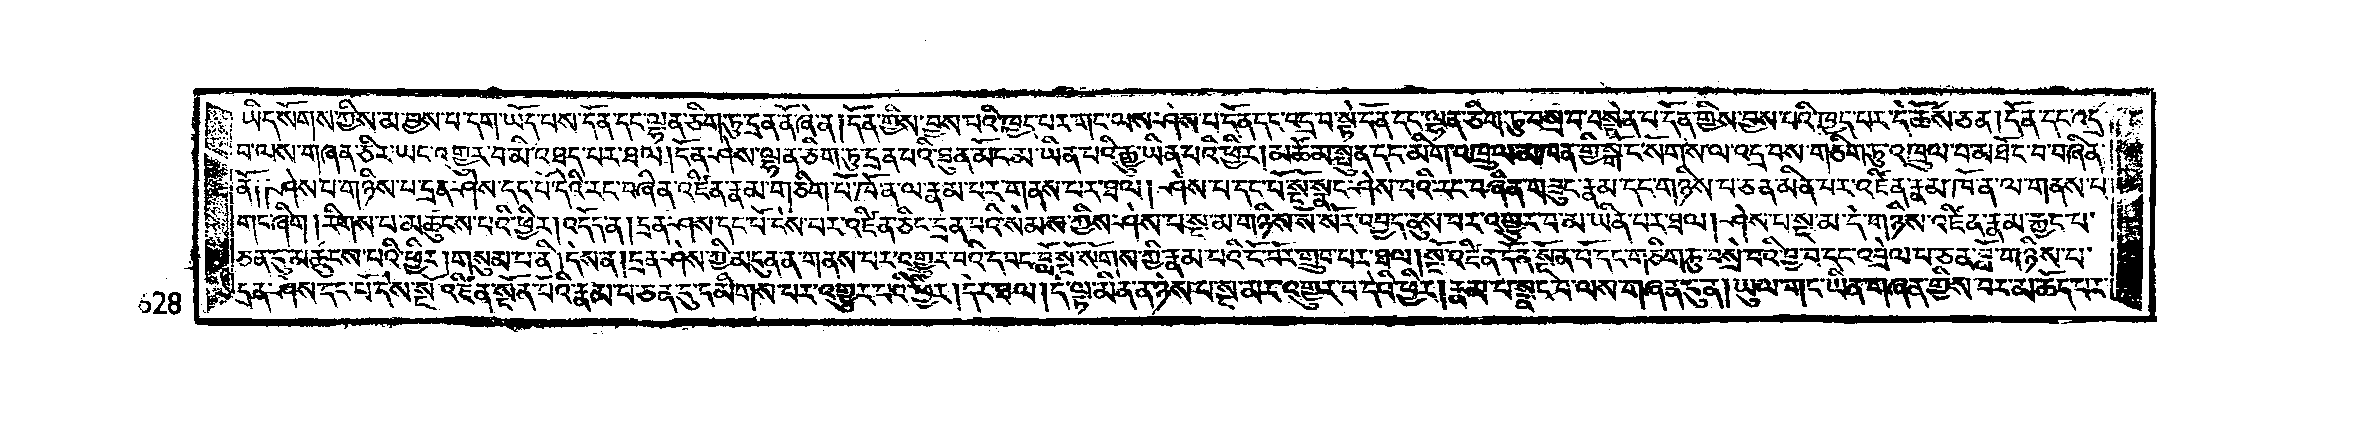ཡིད་སོགས་ཀྱིས་མ་བྱས་པ་དག་ཡོད་པས་དོན་དང་ལྷན་ཅིག་ཏུ་དྲན་ནོ་ཞེ་ན། དོན་གྱིས་བྱས་པའི་ཁྱད་པར་གང་ལས་ཤེས་པ་དོན་དང་འདྲ་བ་སྟེ་དོན་དང་ལྷན་ཅིག་ཏུ་བསྲ་བ་བསྟེན་པ་དོན་གྱིས་བྱས་པའི་ཁྱད་པར་དེ་ཆོས་ཅན། དོན་དང་འདྲ་
བ་ལས་གཞན་ཅིར་ཡང་འགྱུར་བ་མི་འཐད་པར་ཐལ། དོན་ཤེས་ལྷན་ཅིག་ཏུ་དྲན་པའི་ཐུན་མོང་མ་ཡིན་པའི་རྒྱུ་ཡིན་པའི་ཕྱིར། མཚེ་མ་སྤུན་དང་མིག་འཁྲུལ་མཁན་གྱི་སྒོ་ང་སོགས་ལ་འདྲ་བས་གཅིག་ཏུ་འཁྲུལ་བ་མཐོང་བ་བཞིན་
ནོ། །ཤེས་པ་གཉིས་པ་དྲན་ཤེས་དང་པོ་དེའི་རང་བཞིན་འཛིན་རྣམ་གཅིག་པོ་ཁོ་ན་ལ་རྣམ་པར་གནས་པར་ཐལ། ཤེས་པ་དང་པོ་སྔོ་སྣང་ཤེས་པའི་རང་བཞིན་གཟུང་རྣམ་དང་གཉིས་པ་ཅན་མིན་པར་འཛིན་རྣམ་ཁོ་ན་ལ་གནས་པ་
གང་ཞིག །རིགས་པ་མཚུངས་པའི་ཕྱིར། འདོད་ན། དྲན་ཤེས་དང་པོ་ངེས་པར་འཛིན་ཅིང་དྲན་པའི་སེམས་ཀྱིས་ཤེས་པ་སྔ་མ་གཉིས་སོ་སོར་འབྱེད་?་ནུས་པར་འགྱུར་བ་མ་ཡིན་པར་ཐལ། ཤེས་པ་སྔ་མ་དེ་གཉིས་འཛིན་རྣམ་རྐྱང་པ་
ཅན་དུ་མཚུངས་པའི་ཕྱིར། གསུམ་པ་ནི། དེས་ན། དྲན་ཤེས་ཀྱི་མདུན་ན་གནས་པར་འགྱུར་བའི་དབང་བློ་སྔོ་སོགས་ཀྱི་རྣམ་པའི་ངོ་བོར་གྲུབ་པར་ཐལ། སྔོ་འཛིན་དོན་སྔོན་པོ་དང་གཅིག་ཏུ་བསྲེ་བའི་བྱ་བ་དང་འབྲེལ་པ་ཅན་བློ་གཉིས་པ་
དྲན་ཤེས་དང་པོ་དེས་སྔོ་འཛིན་སྔོན་པོའི་རྣམ་པ་ཅན་དུ་དམིགས་པར་འགྱུར་བའི་ཕྱིར། དེར་ཐལ། དེ་ལྟ་མིན་ན་ཉེས་པ་སྔ་མར་འགྱུར་བ་དེའི་ཕྱིར། རྣམ་པ་སྣང་བ་ལས་གཞན་དུ་ན། ཡུལ་གང་ཡིན་གཞན་གྱིས་བར་མཆོད་པར་